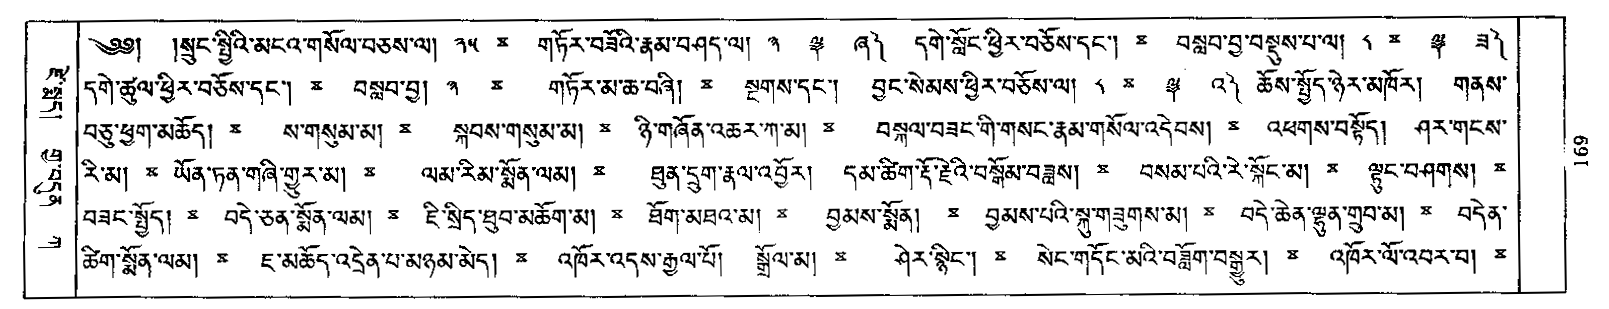༄༅། །སྲུང་སྤྱིའི་མངའ་གསོལ་བཅས་ལ། ༢༥་྾་གཏོར་བཟོའི་རྣམ་བཤད་ལ། ༣་༈ ཞ྄་དགེ་སློང་ཕྱིར་བཅོས་དང་། ྾་བསླབ་བྱ་བསྡུས་པ་ལ། ༨་྾་༈ ཟ྄
དགེ་ཚུལ་ཕྱིར་བཅོས་དང་། བསླབ་བྱ། ༣་གཏོར་མ་ཆ་བཞི། ྾་སྔགས་དང་། བྱང་སེམས་ཕྱིར་བཅོས་ལ། ༨་྾་༈ འ྄་ཆོས་སྤྱོད་ཉེར་མཁོར། གནས་
བཅུ་ཕྱག་མཆོད། ྾་ས་གསུམ་མ། ྾་སྐབས་གསུམ་མ། ྾་ཉི་གཞོན་འཆར་ཀ་མ་྾་བསྐལ་བཟང་གི་གསང་རྣམ་གསོལ་འདེབས། ྾་འཕགས་བསྟོད། ཤར་གངས་
རི་མ། ྾་ཡོན་ཏན་གཞི་གྱུར་མ། ྾་ལམ་རིམ་སྨོན་ལམ། ྾་ཐུན་དྲུག་རྣལ་འབྱོར། དམ་ཚིག་རྡོ་རྗེའི་བསྒོམ་བཟླས། ྾་བསམ་པའི་རེ་སྐོང་མ། ྾་ལྟུང་བཤགས། ྾་
བཟང་སྤྱོད། ྾་བདེ་ཅན་སྨོན་ལམ། ྾་ཇི་སྲིད་ཐུབ་མཆོག་མ། ྾་ཐོག་མཐའ་མ། ྾་བྱམས་སྨོན། ྾་བྱམས་པའི་སྐུ་གཟུགས་མ། ྾་བདེ་ཆེན་ལྷུན་གྲུབ་མ། ྾་བདེན་
ཚིག་སྨོན་ལམ། ྾་ཇ་མཆོད་འདྲེན་པ་མཉམ་མེད། ྾་འཁོར་འདས་རྒྱལ་པོ། སྒྲོལ་མ། ྾་ཤེར་སྙིང་། ྾་སེང་གདོང་མའི་བཟློག་བསྒྱུར། ྾་འཁོར་ལོ་འབར་བ། ྾་